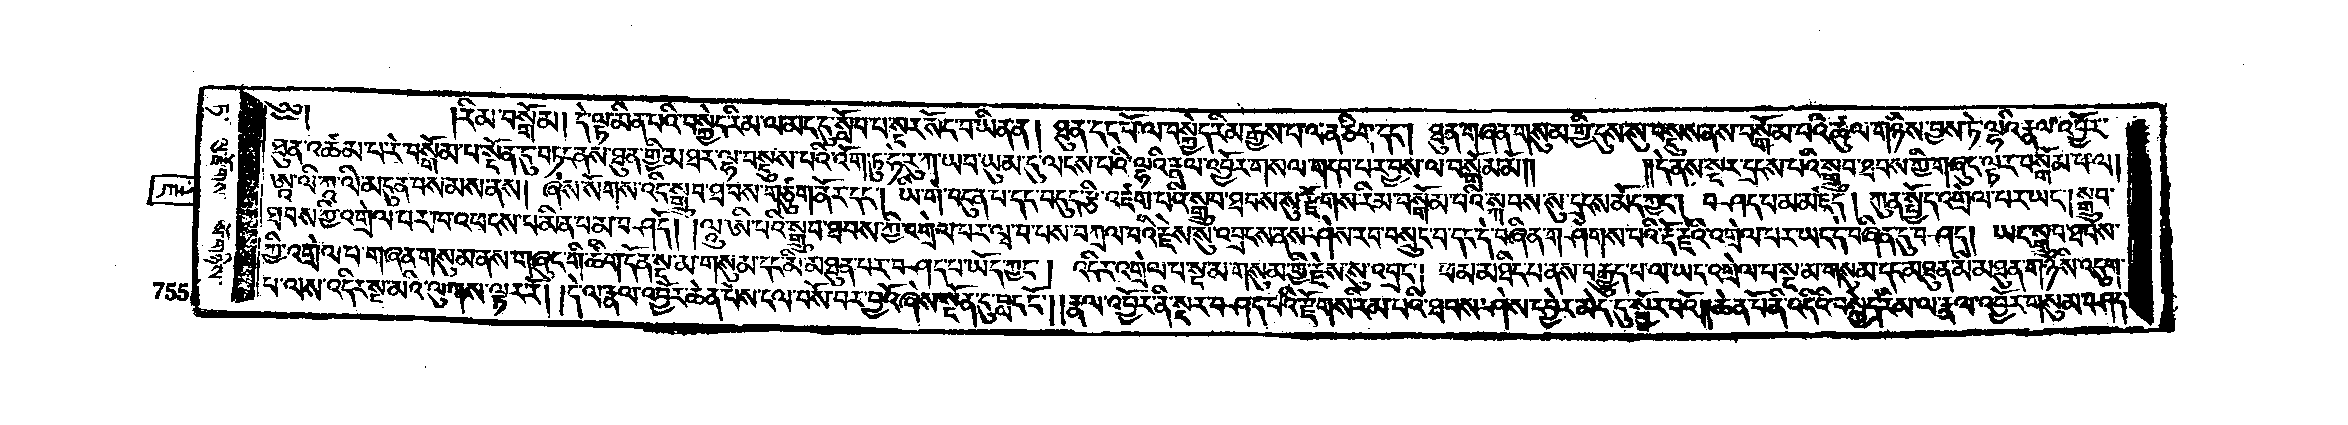༄༅། །རིམ་བསྒོམ། དེ་ལྟ་མིན་པའི་བསྐྱེད་རིམ་ལ་མང་དུ་སློབ་པ་སྔར་སོང་བ་ཡིན་ན། ཐུན་དང་པོ་ལ་བསྐྱེད་རིམ་རྒྱས་པ་ལན་ཅིག་དང་། ཐུན་གཞན་གསུམ་གྱི་དུས་སུ་བསྡུས་ནས་བསྒོམ་པའི་ཚུལ་གཉིས་བྱས་ཏེ་ལྷའི་རྣལ་འབྱོར་
ཐུན་འཚམ་པ་རེ་བསྒོམ་པ་སྔོན་དུ་བཏང་ནས་ཐུན་གྱི་མཐར་ལྷ་བསྡུས་པའི་འོག་ཏུ་ཧེ་རུ་ཀ་ཡབ་ཡུམ་དུ་ལངས་པའི་ལྷའི་རྣལ་འབྱོར་གསལ་གདབ་པར་བྱས་ལ་བསྒོམ་མོ།། །།དེ་ནས་སྔར་དྲངས་པའི་སྒྲུབ་ཐབས་ཀྱི་གཞུང་ལྟར་བསྒོམ་པ་ལ།
ཨཱ་ལི་ཀཱ་ལི་མདུན་བསམས་ནས། ཞེས་སོགས་འདི་སྒྲུབ་ཐབས་གཙུག་ནོར་དང་། ཡི་གེ་བདུན་པ་དང་བདུད་རྩི་འཛག་པའི་སྒྲུབ་ཐབས་སུ་རྫོགས་རིམ་བསྒོམ་པའི་སྐབས་སུ་དྲངས་མོད་ཀྱང་། བཤད་པ་མ་མཛད། ཀུན་སྤྱོད་འགྲེལ་པར་ཡང་། སྒྲུབ་
ཐབས་ཀྱི་འགྲེལ་པར་ཁ་འཕངས་པ་མིན་པ་མ་བཤད་དོ། །ལཱུ་ཨི་པའི་སྒྲུབ་ཐབས་ཀྱི་འགྲེལ་པར་ལྭ་བ་པས་བཀྲལ་བའི་རྗེས་སུ་འབྲངས་ནས་ཤེས་རབ་བསྲུང་བ་དང་དེ་བཞིན་གཤེགས་པའི་རྡོ་རྗེའི་འགྲེལ་པར་ཡང་དེ་བཞིན་དུ་བཤད། ཡང་སྒྲུབ་ཐབས་
ཀྱི་འགྲེལ་པ་གཞན་གསུམ་ནས་གཞུང་གི་ཚིག་དོན་སྔ་མ་གསུམ་དང་མི་མཐུན་པར་བཤད་པ་ཡོད་ཀྱང་། འདིར་འགྲེལ་པ་སྔ་མ་གསུམ་གྱི་རྗེས་སུ་འབྲང་། ཕམ་མཐིང་པ་ནས་བརྒྱུད་པ་ལ་ཡང་འགྲེལ་པ་སྔ་མ་གསུམ་དང་མཐུན་མི་མཐུན་གཉིས་འདུག་
པ་ལས་འདིར་སྔ་མའི་ལུགས་ལྟར་རོ། །དེ་ལ་རྣལ་འབྱོར་ཆེན་པོས་ངལ་བསོ་བར་བྱའོ་ཞེས་སྔོན་དུ་བླང་ངོ། །རྣལ་འབྱོར་ནི་སྔར་བཤད་པའི་རྫོགས་རིམ་པའི་ཐབས་ཤེས་དབྱེར་མེད་དུ་སྦྱོར་བའོ། །ཆེན་པོ་ནི་འདིའི་བསྐྱེད་རིམ་ལ་རྣལ་འབྱོར་གསུམ་བཤད་